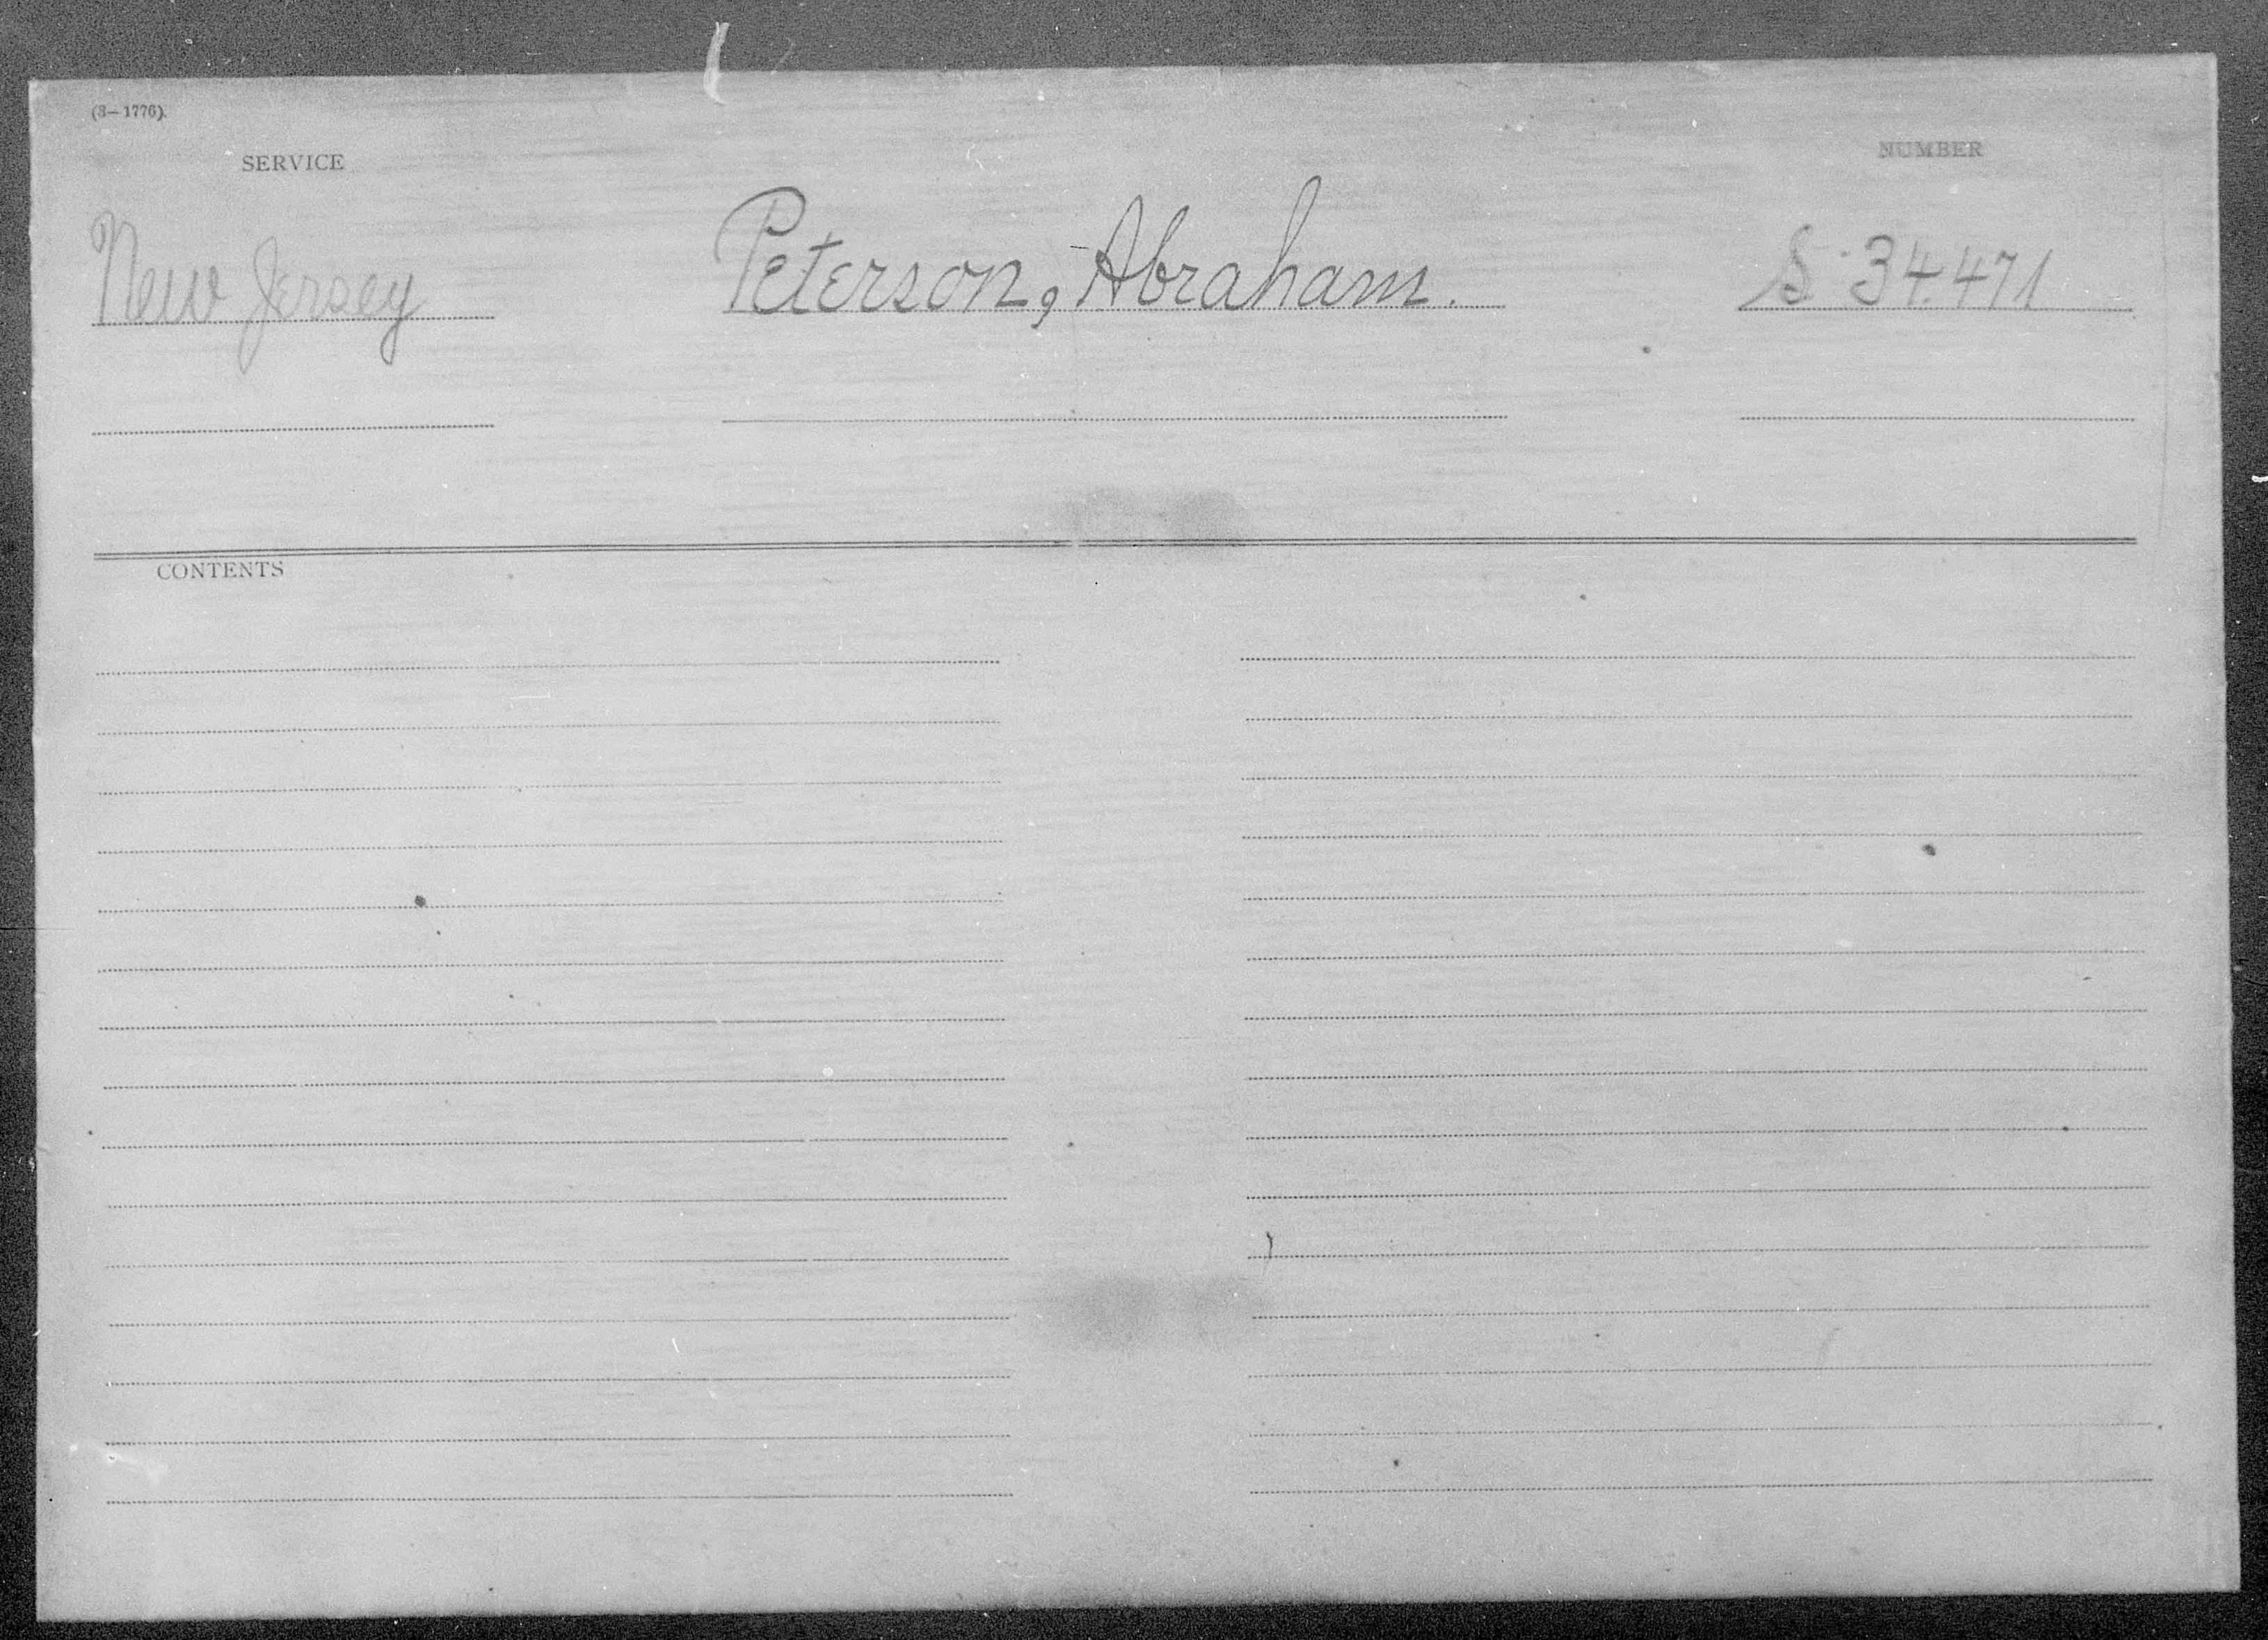(3-1776).

SERVICE                                           NUMBER
New Jersey    Peterson Abraham      S-34.371


CONTENTS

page: 1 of 12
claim: survivor's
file: S. 34,471, for Abraham Peterson, New Jersey